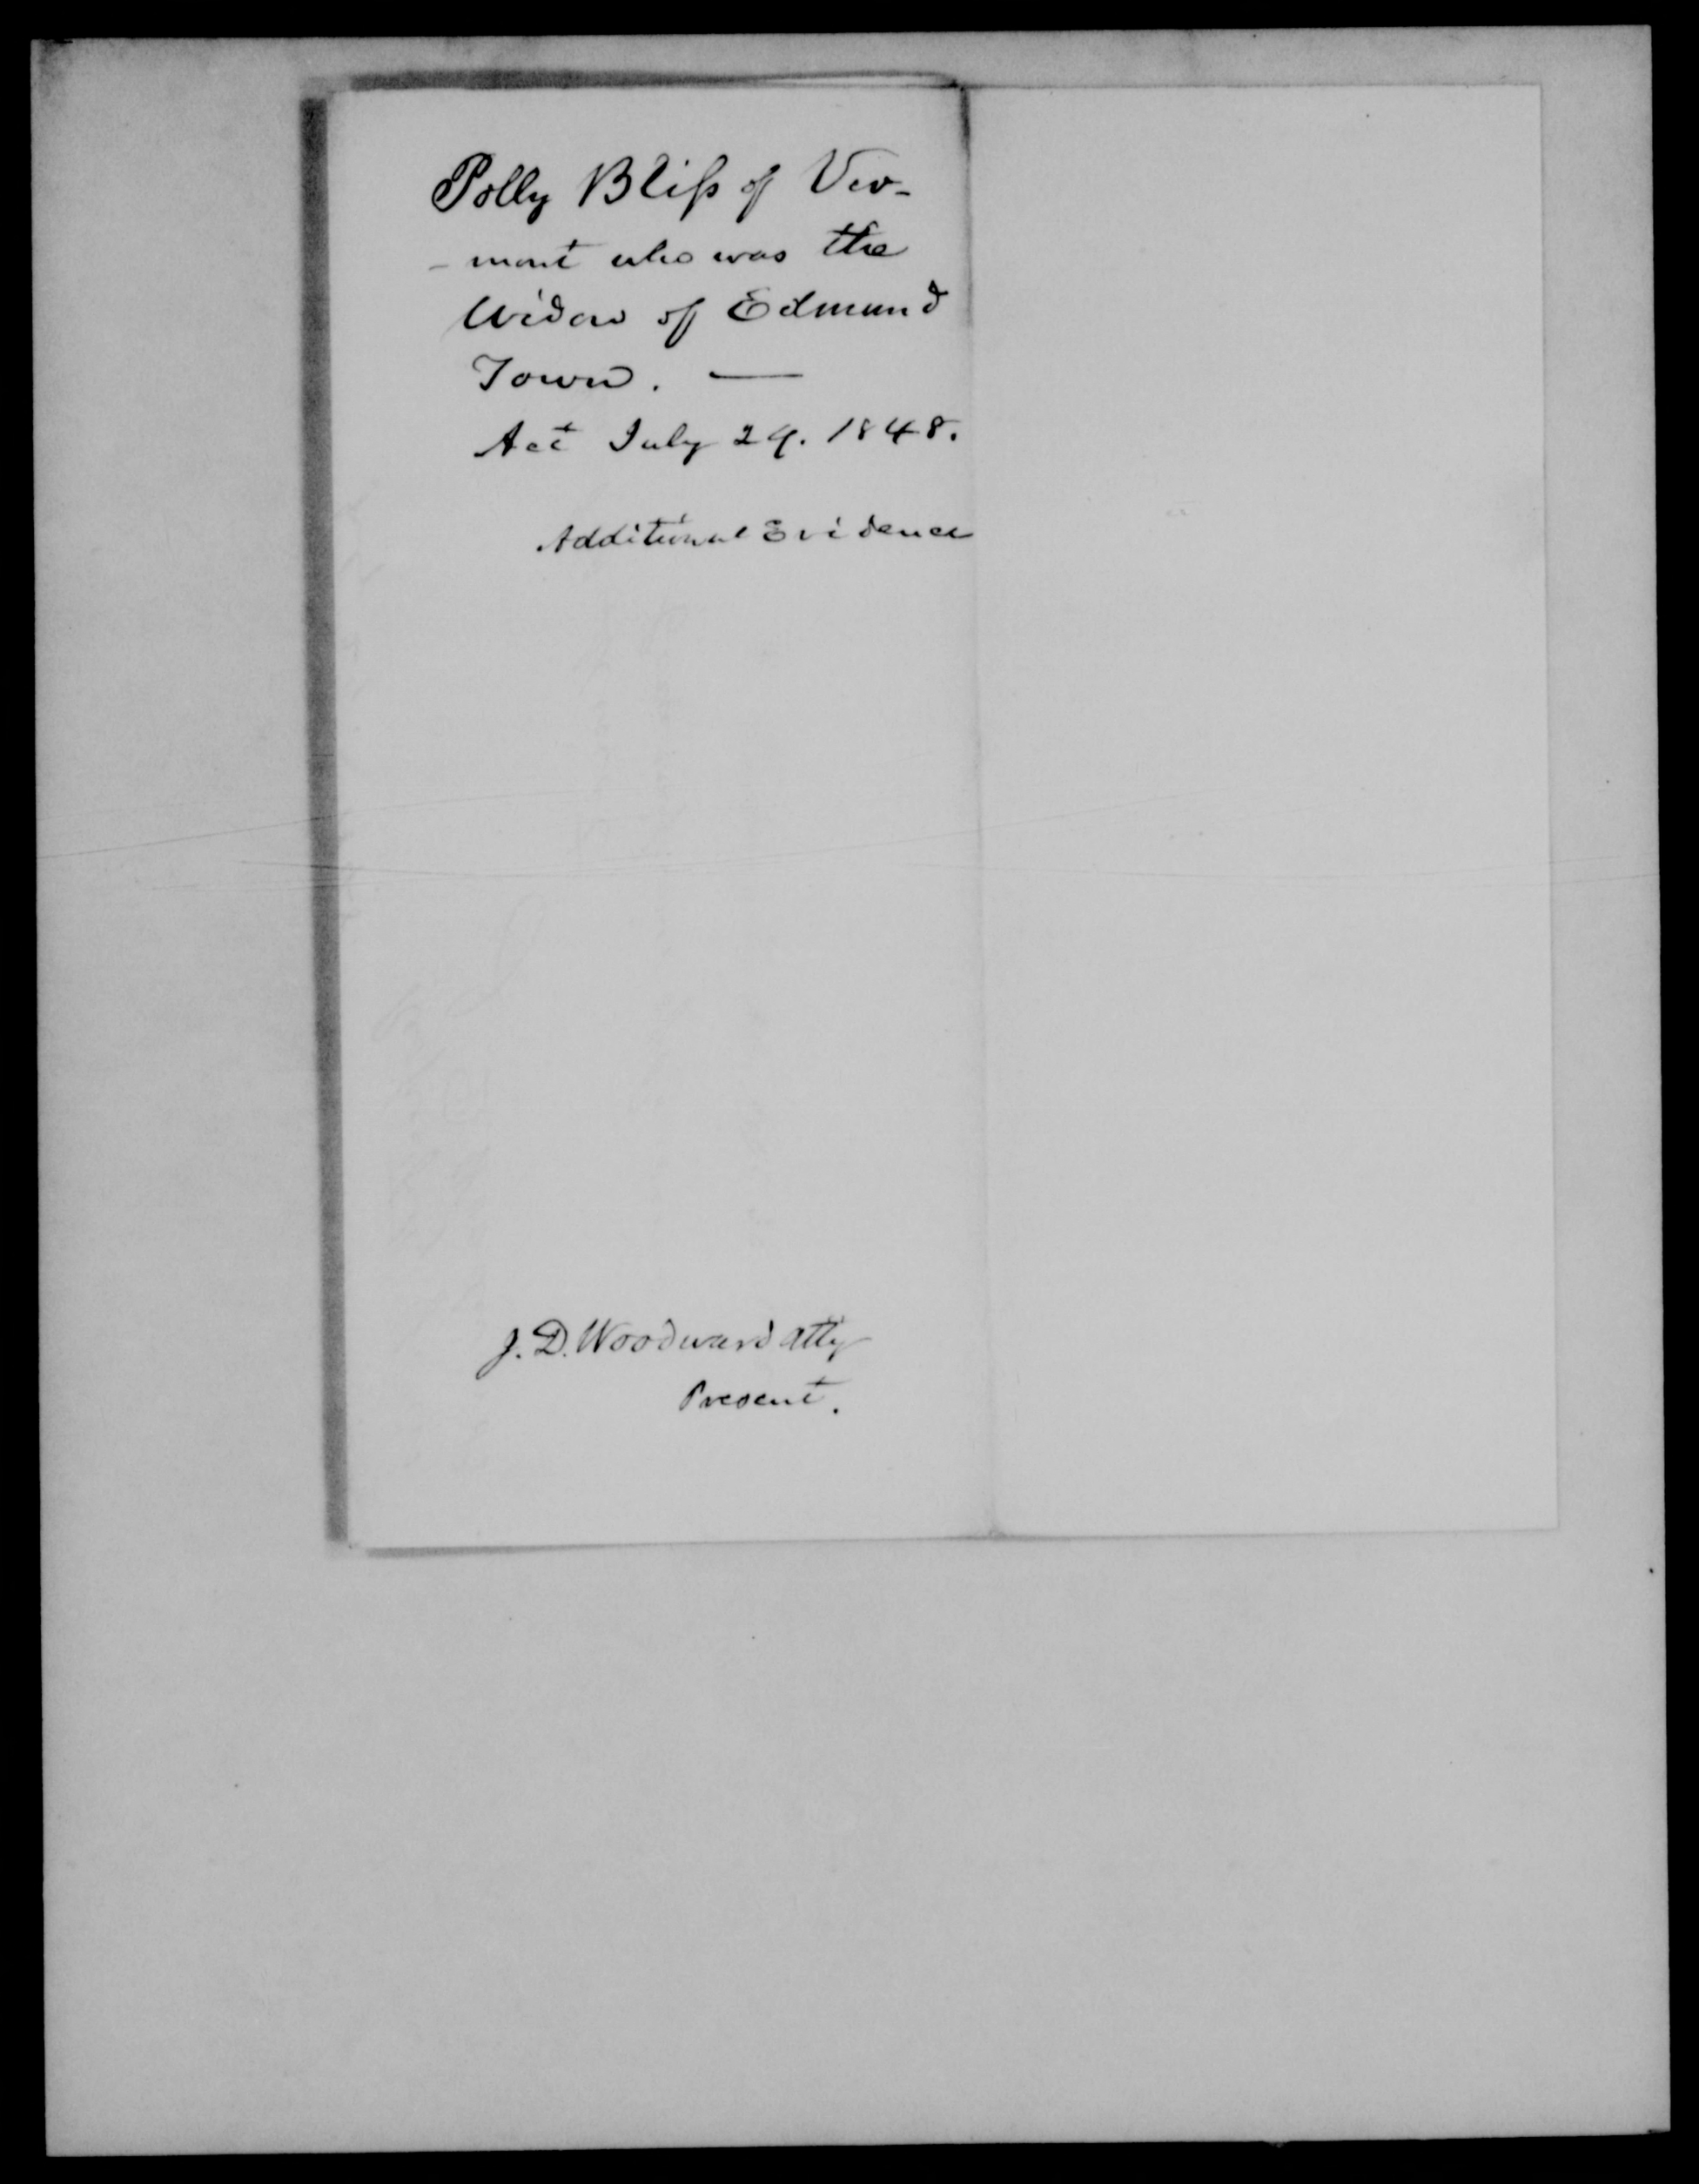Polly Bliss of Vermont who was the widow of Edmund Town.
Act July 29, 1848.
Additional Evidence
J. D. Woodward Atty
Present.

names: Edmund Town, J D Woodward, Polly Bliss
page: 42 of 64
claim: widow's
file: W. 5831, Edmund Town, Mass.